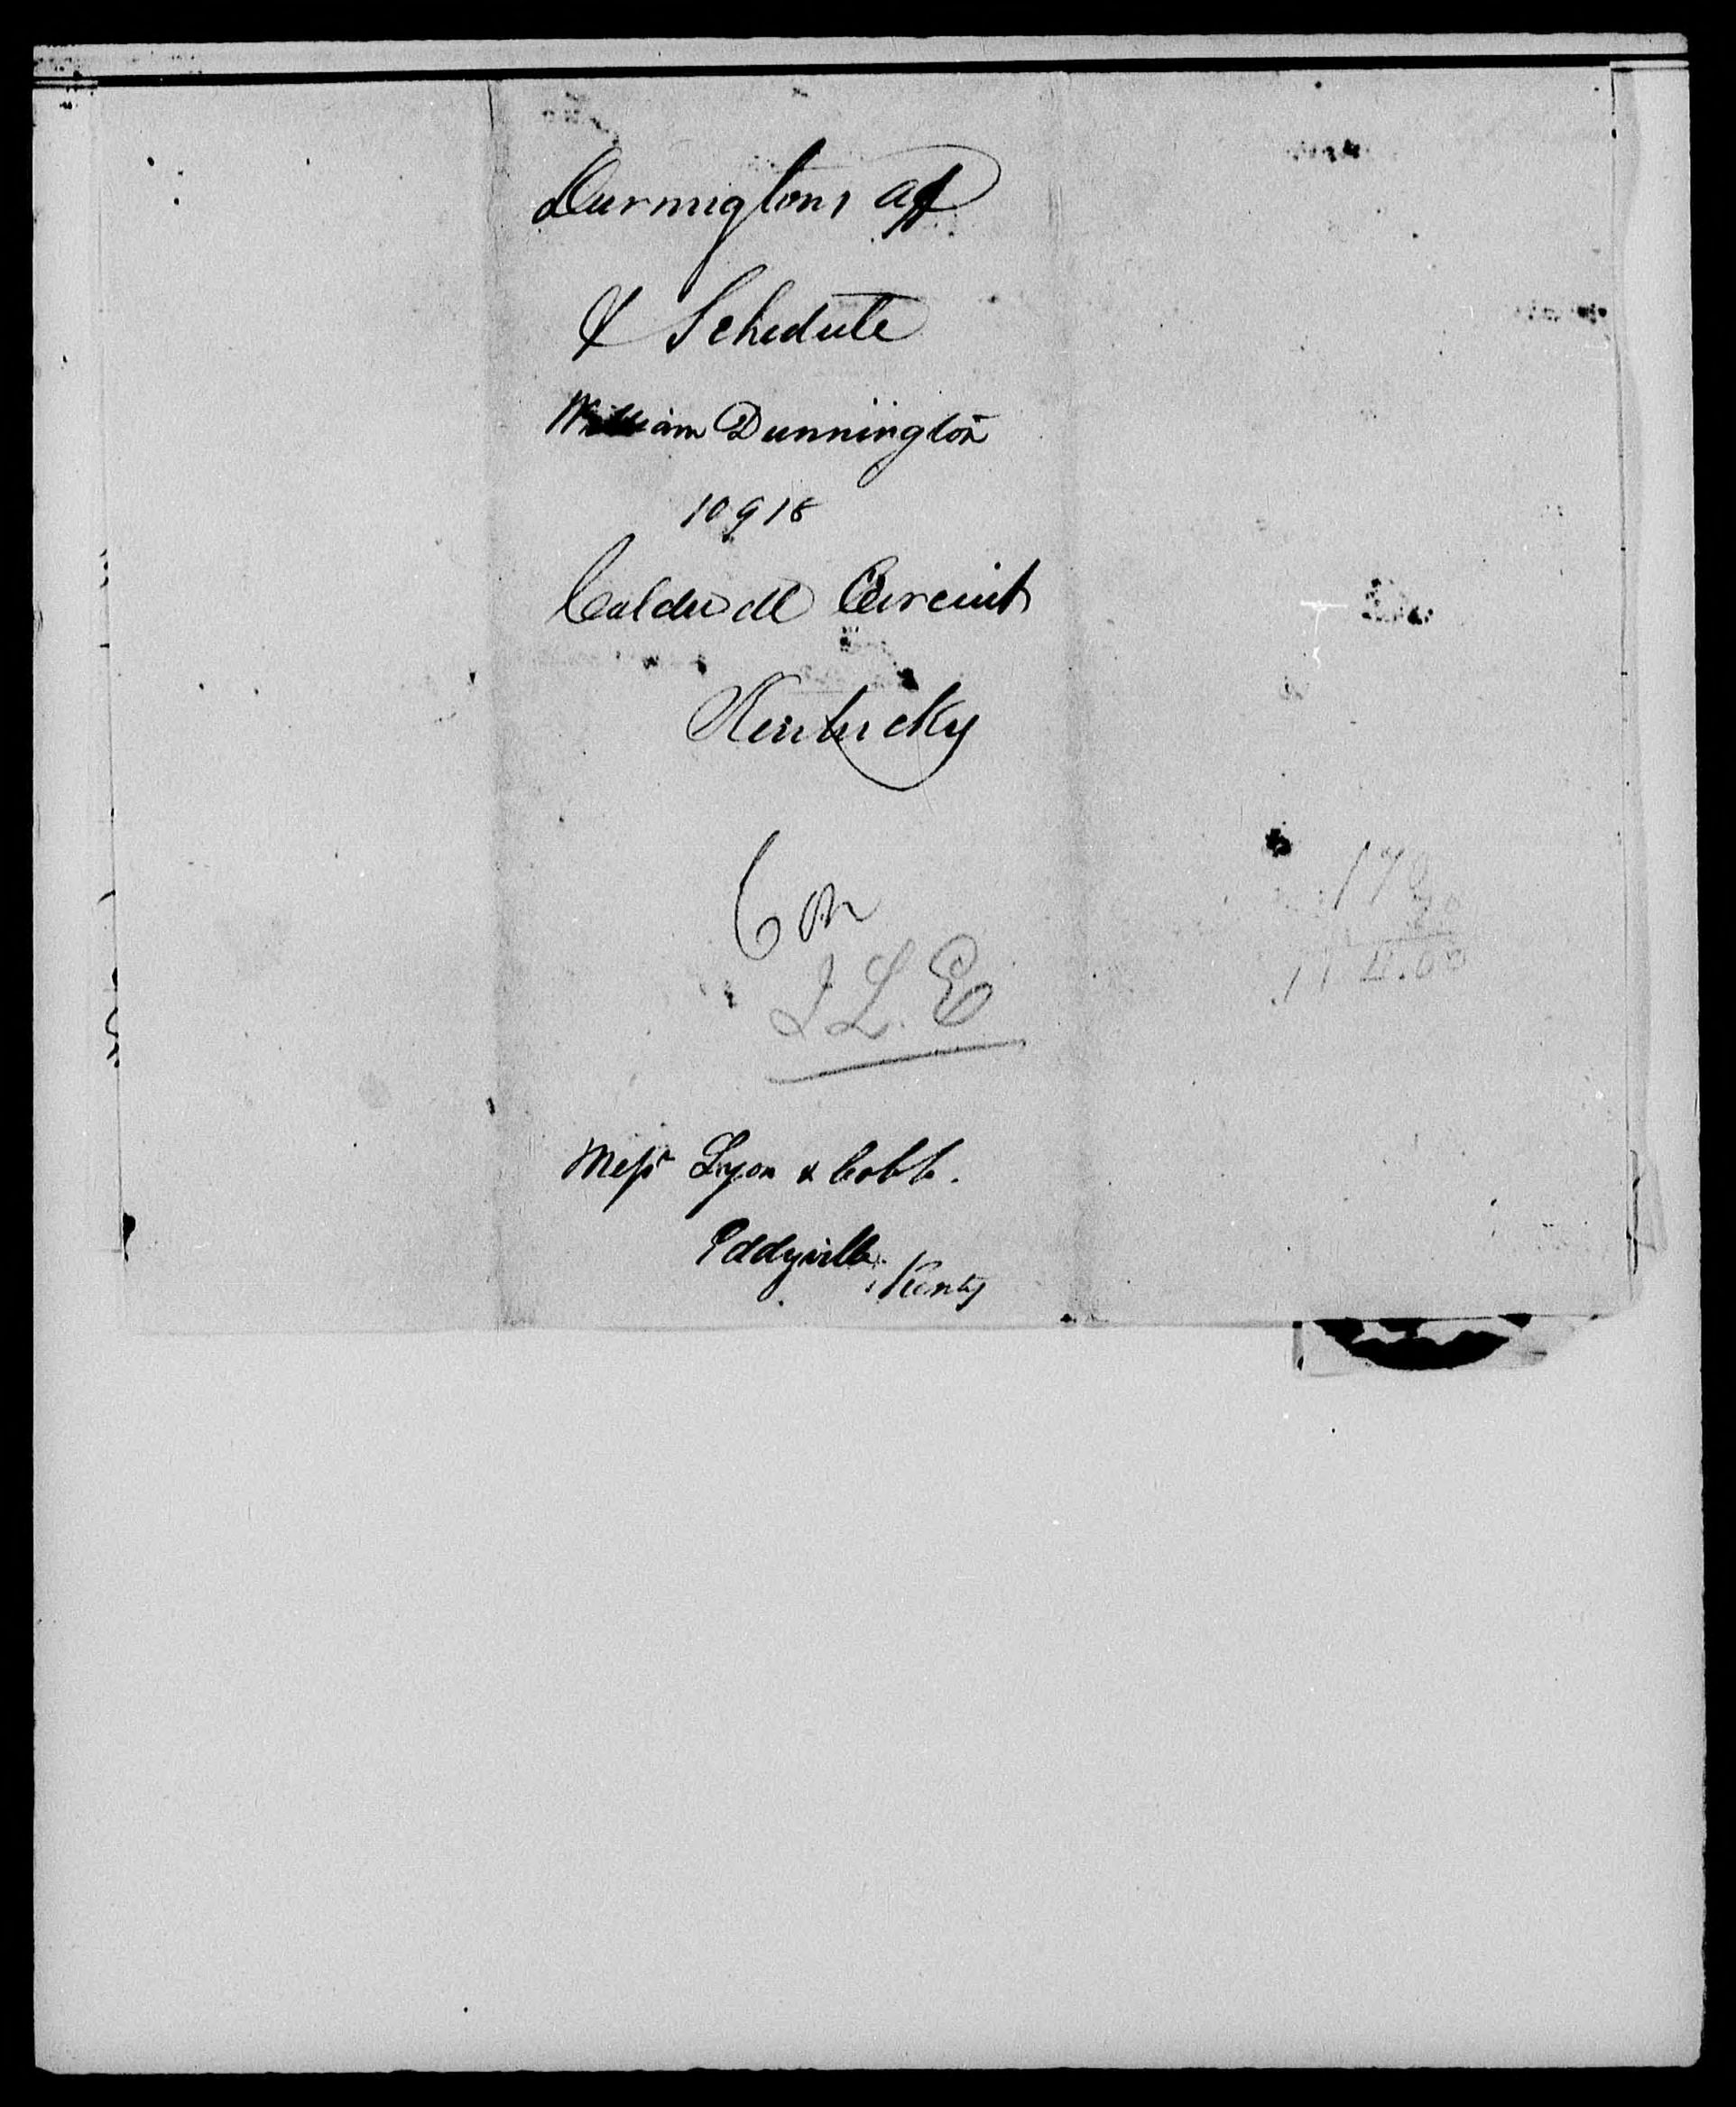Durmigton of
Schedule
? Dunnington
10918
Caldwell Circuit
Keibrely
6on
LLE
Meft Lyon x bobl.
Padyville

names: William Dunnington, Cobb, Lyon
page: 17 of 51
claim: widow's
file: W. 27,409, William Dunnington, Md.